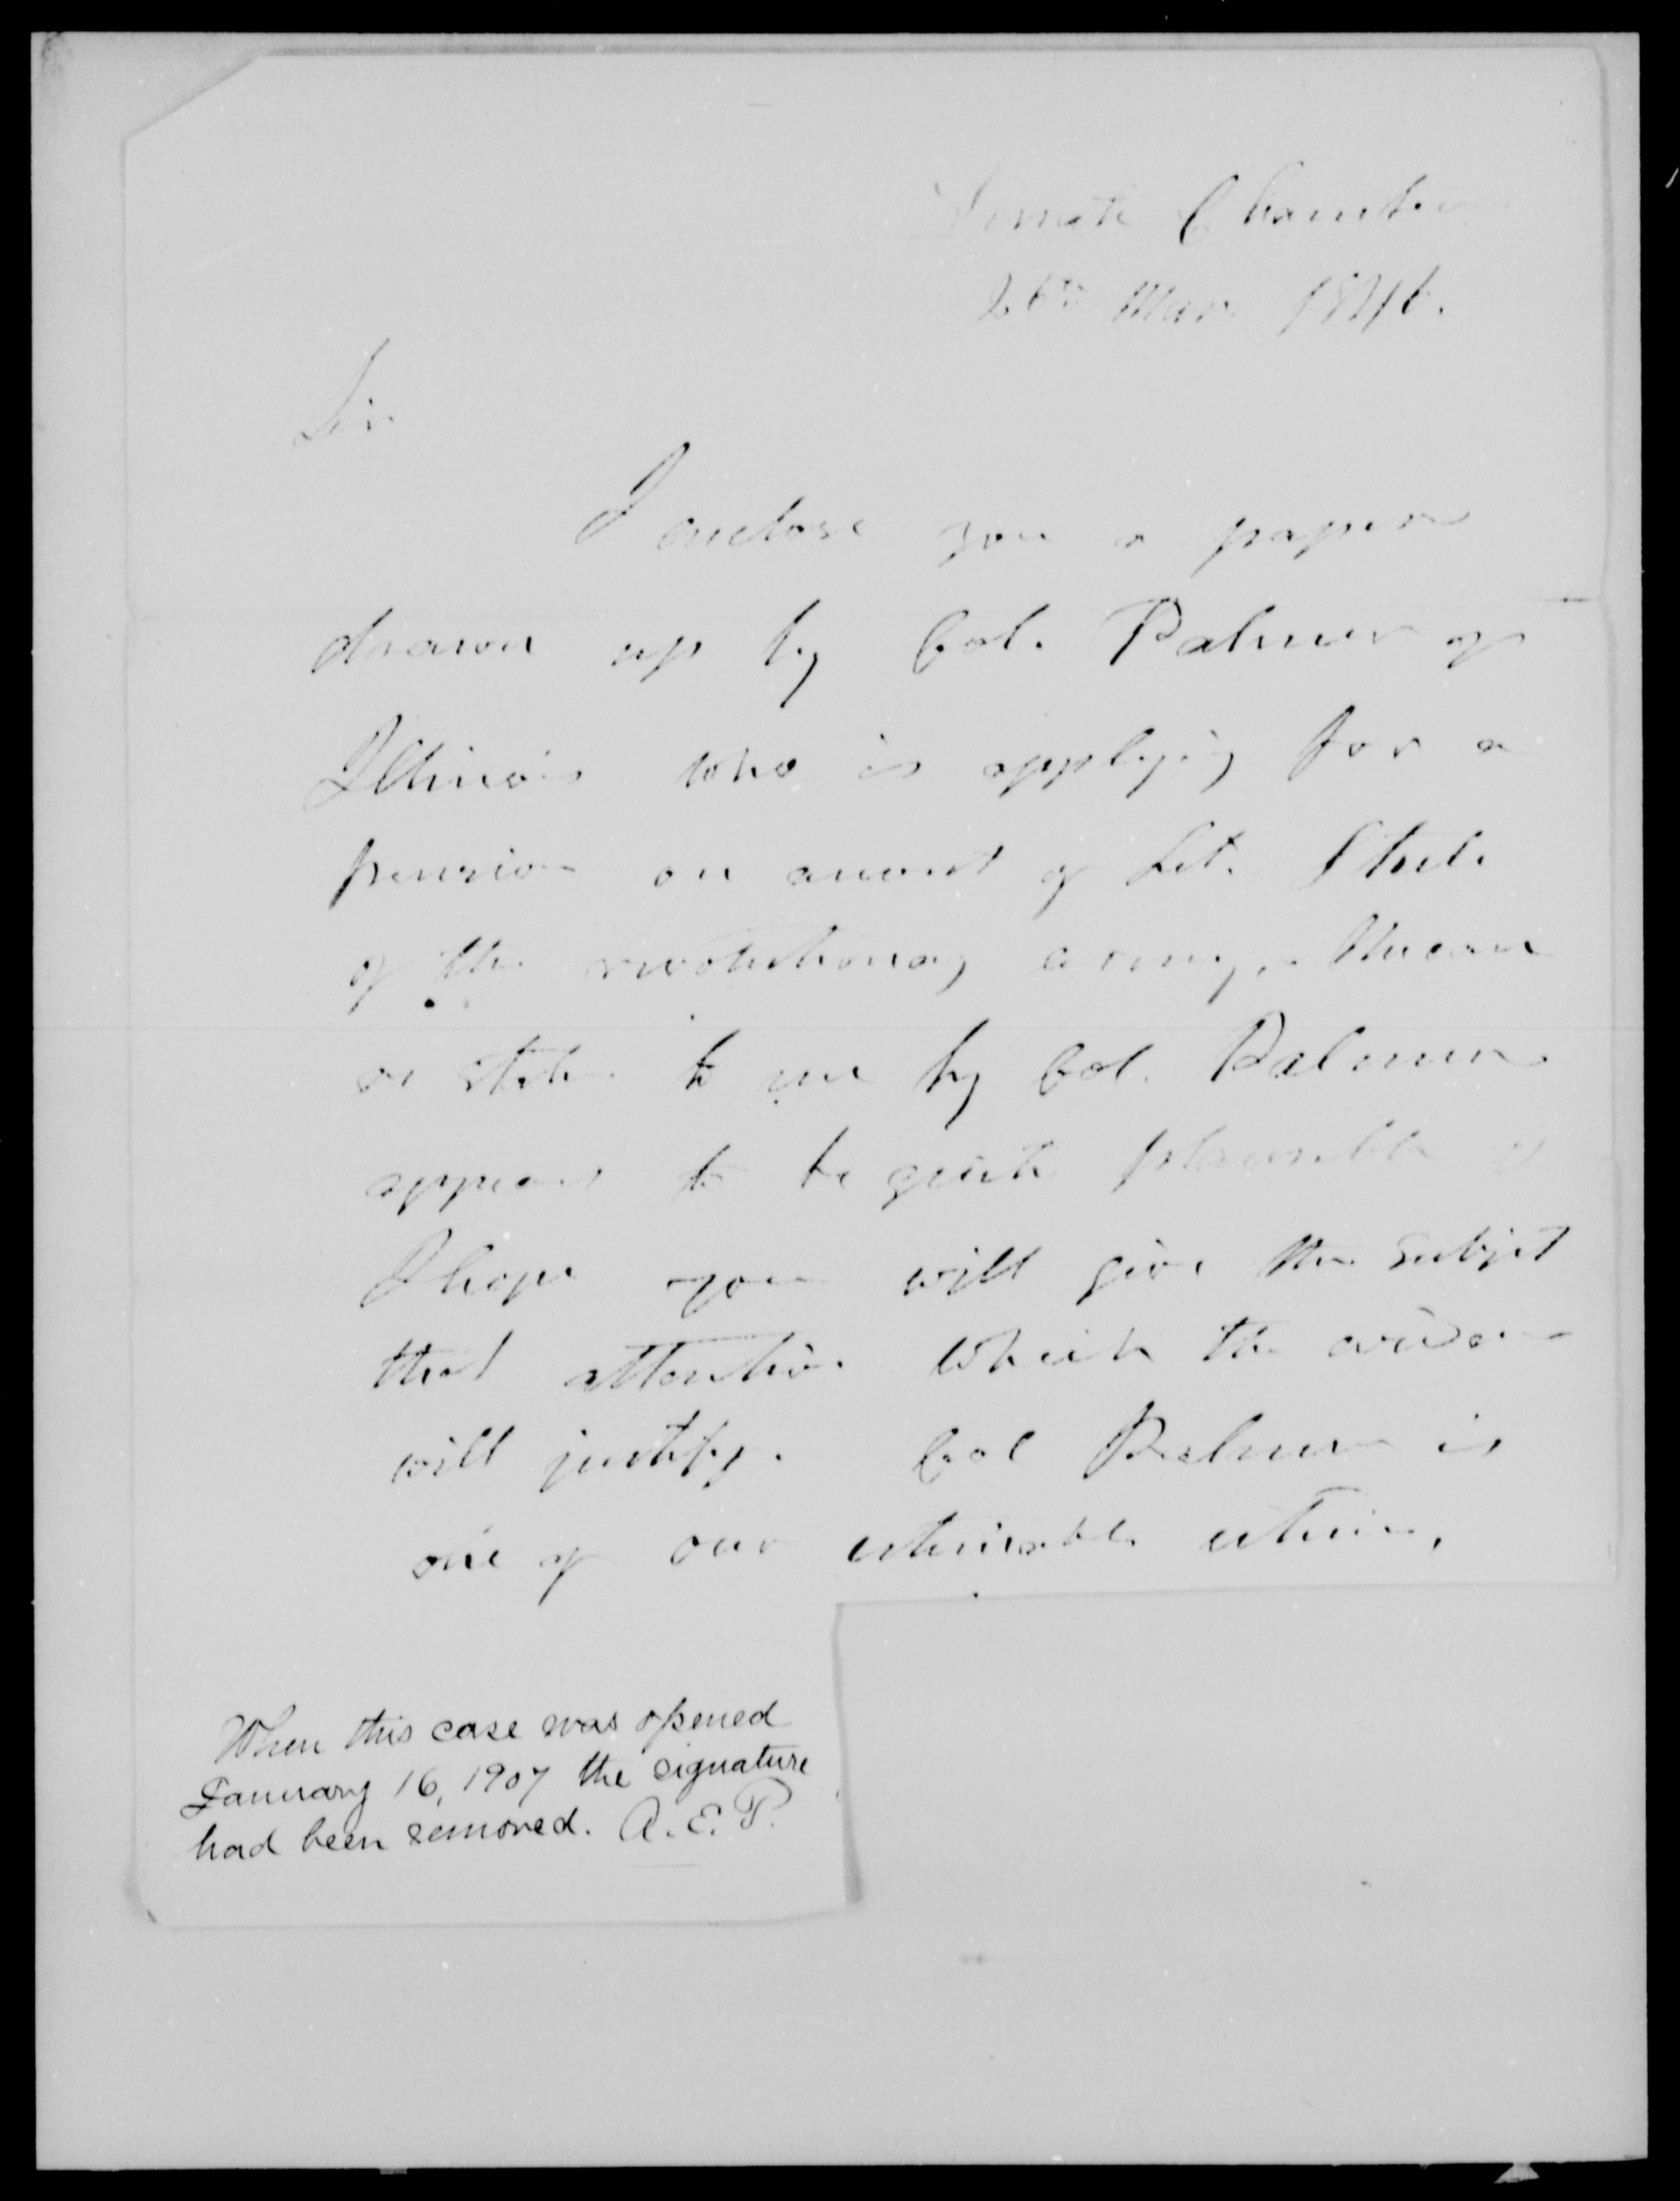Senate Chamber
26 Mar 1846

Sir,

I enclose you a paper drawn up by S L Palmer of Illinois who is applying for a pension on account of Lieutenant Steel of the revolutionary army.  [illegible] or statement by Palmer appears to be quite plausible.

I hope you will give this subject the attention which [illegible] will justify.  Col Palmer is one of our reliable witnesses.

When this case was opened January 16, 1907 the signaturehad been removed. A. E. P.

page: 21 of 28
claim: survivor's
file: S. 7601, for Archibald Steel, Pennsylvania